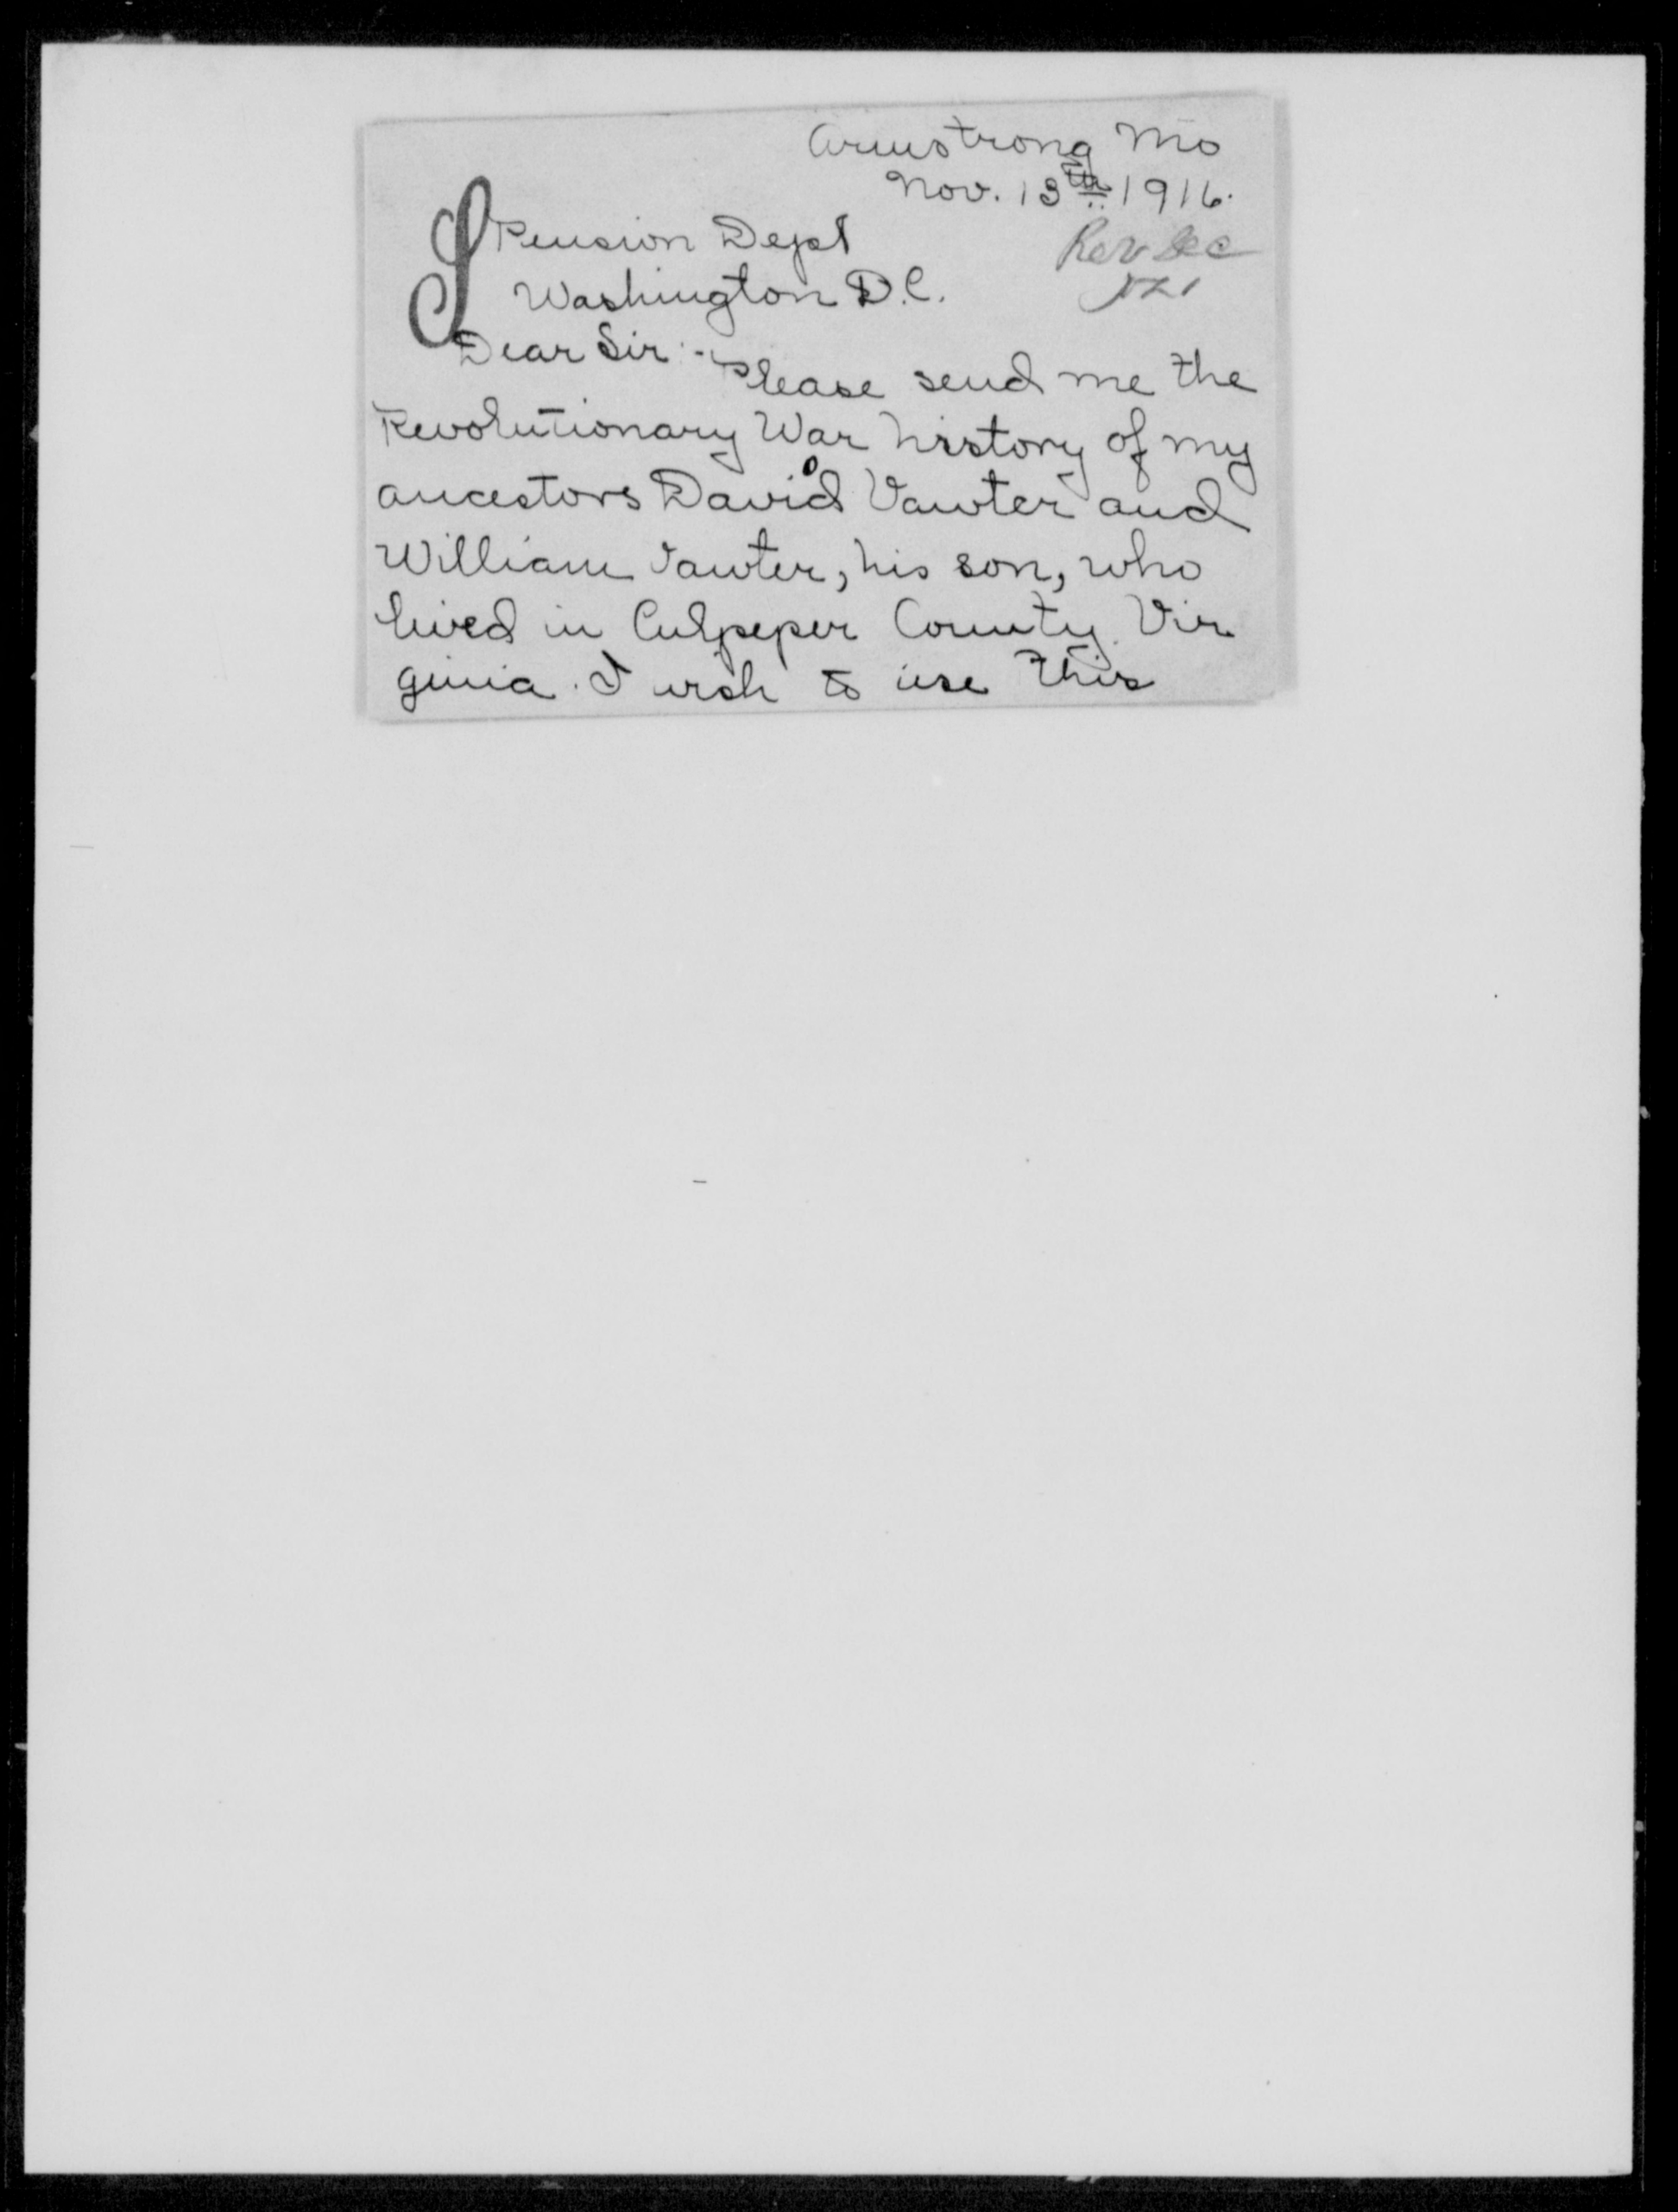Armstrong Mo
Nov. 13th 1916
Rev Sec
Pension Dept
Washington D.C.

Dear Sir please send me the
Revolutionary War history of my
ancestors David Vawter and
William Vawter, his son, who
lived in Culpeper County. Virginia. 
I wish to use this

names: William Vawter, David Vawter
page: 15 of 51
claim: rejected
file: R. 10,921, William Vawter, Va.